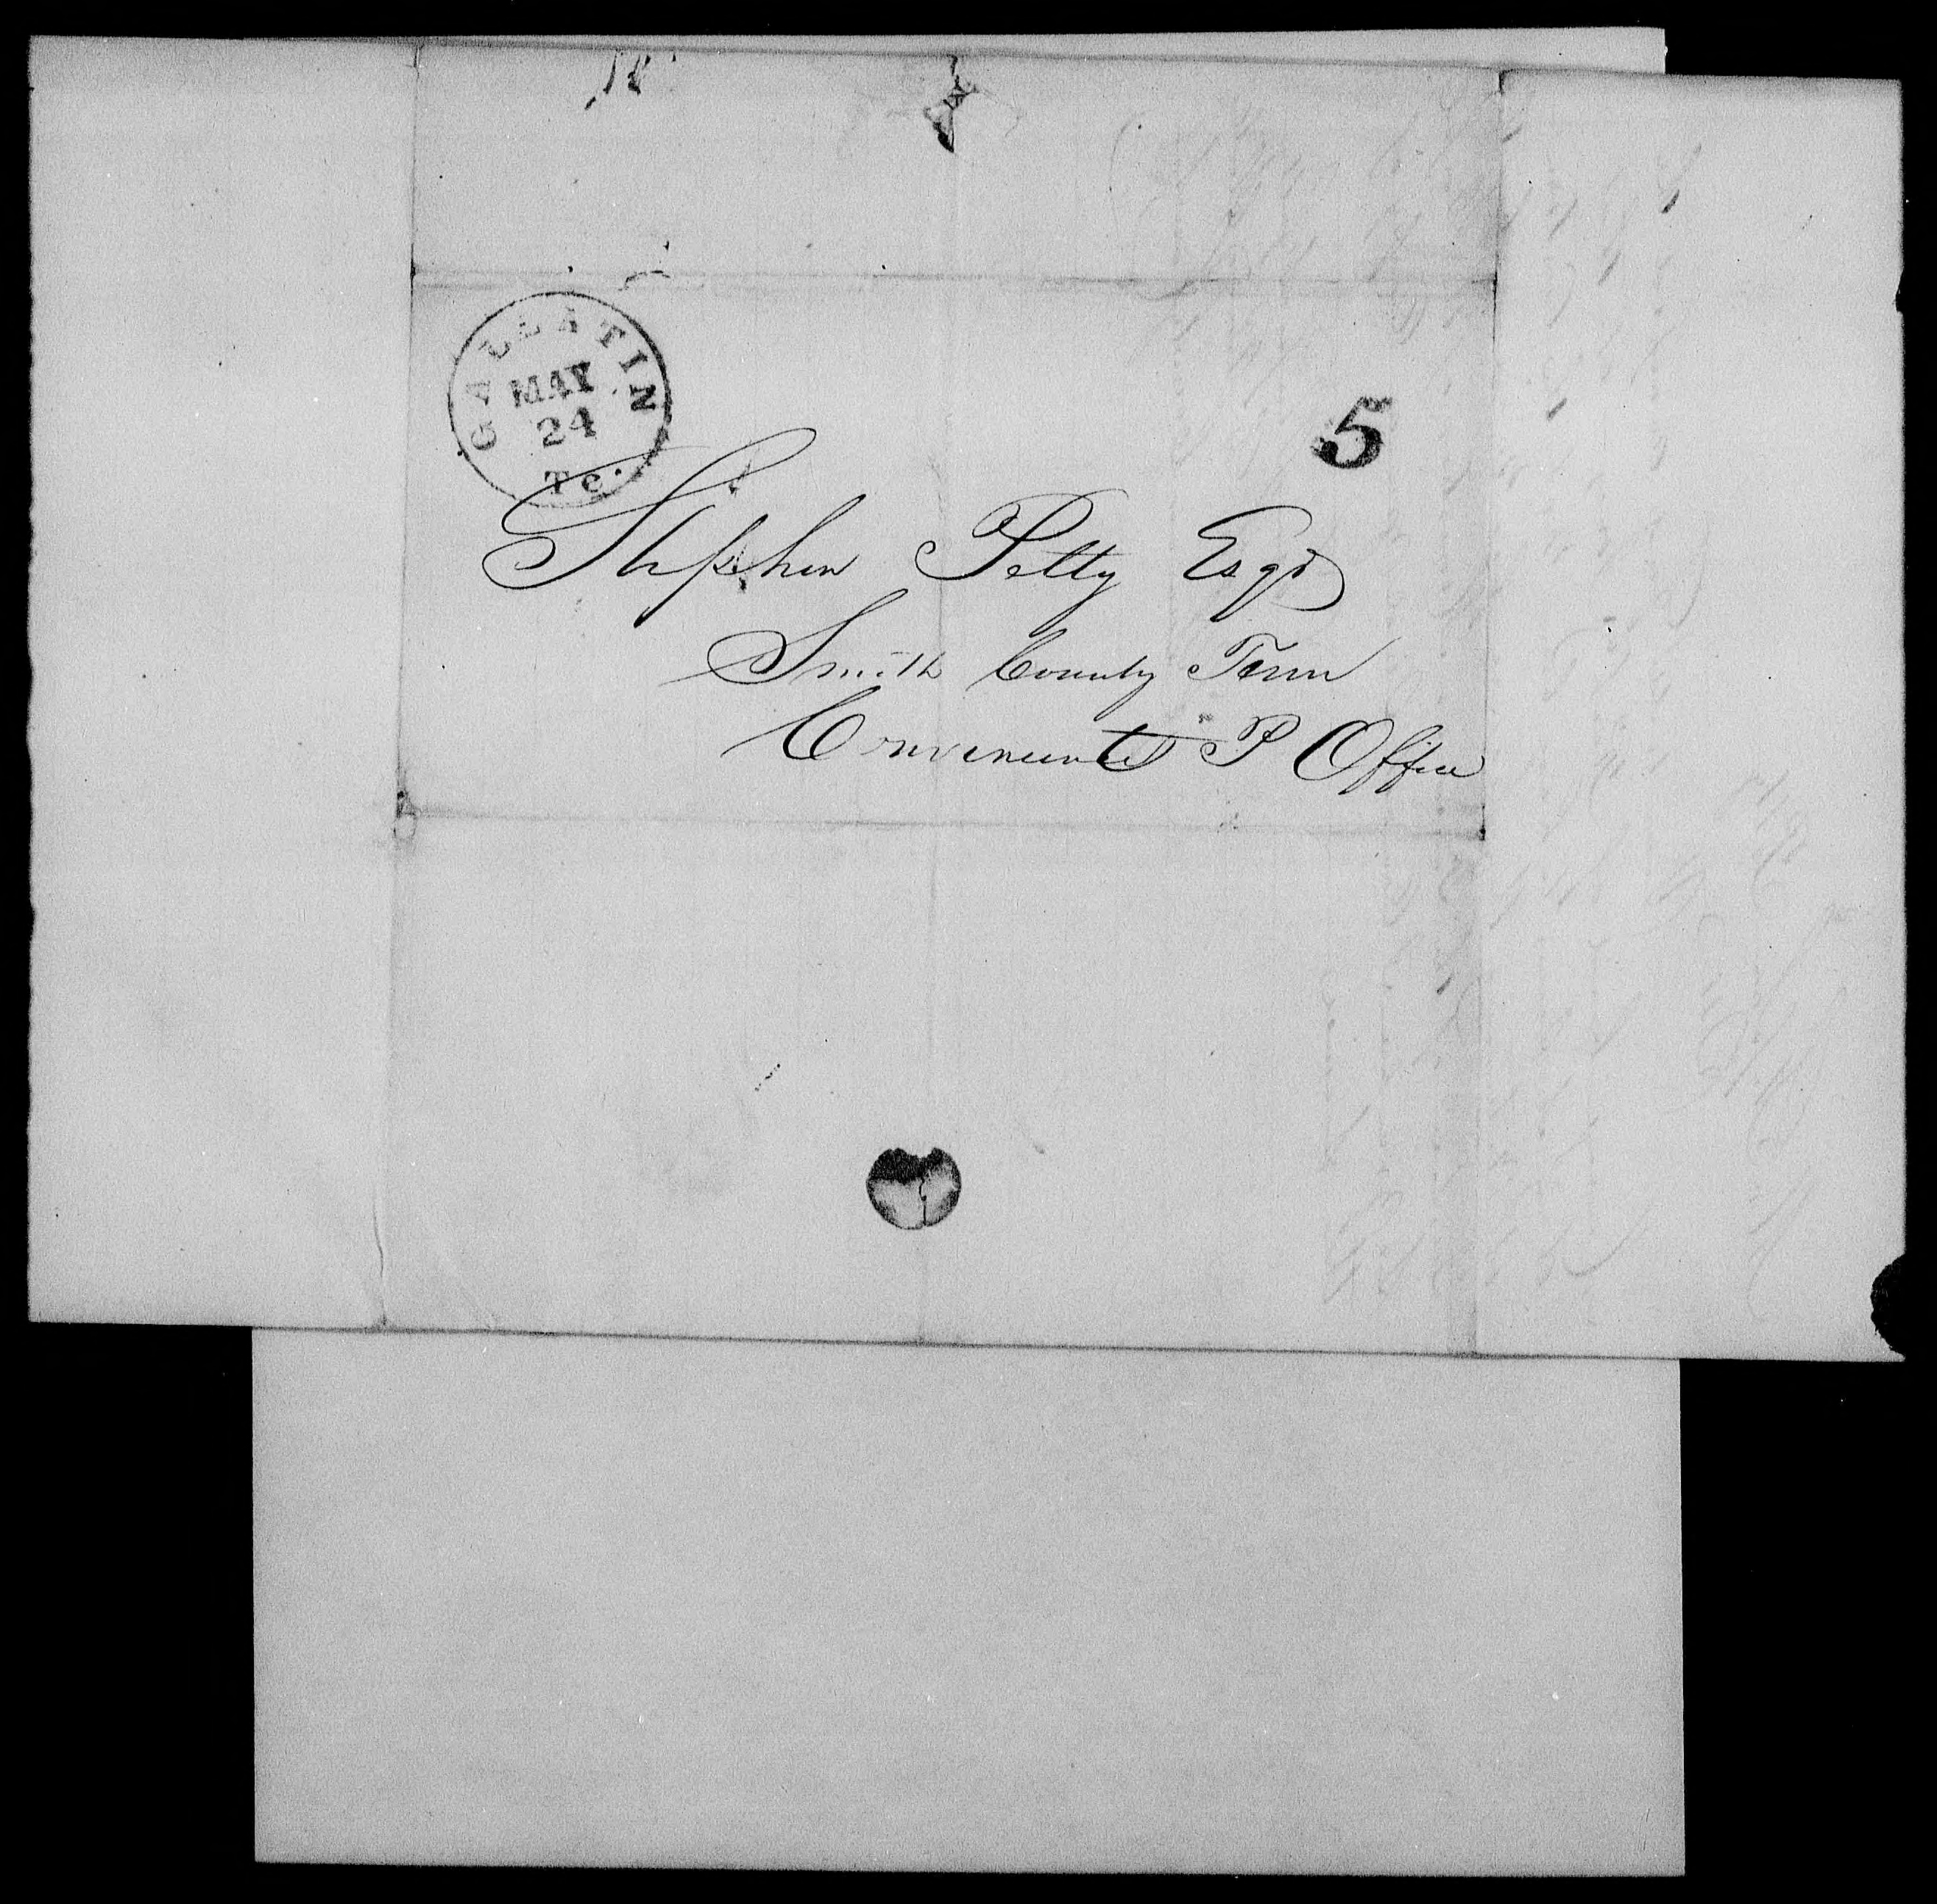[post mark]
GALLATIN 
MAY 24
TE.

5


Stephen Petty Esq.
Smith County Tenn
Government P Office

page: 8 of 33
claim: rejected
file: R. 1554, for Richard Jones, North Carolina